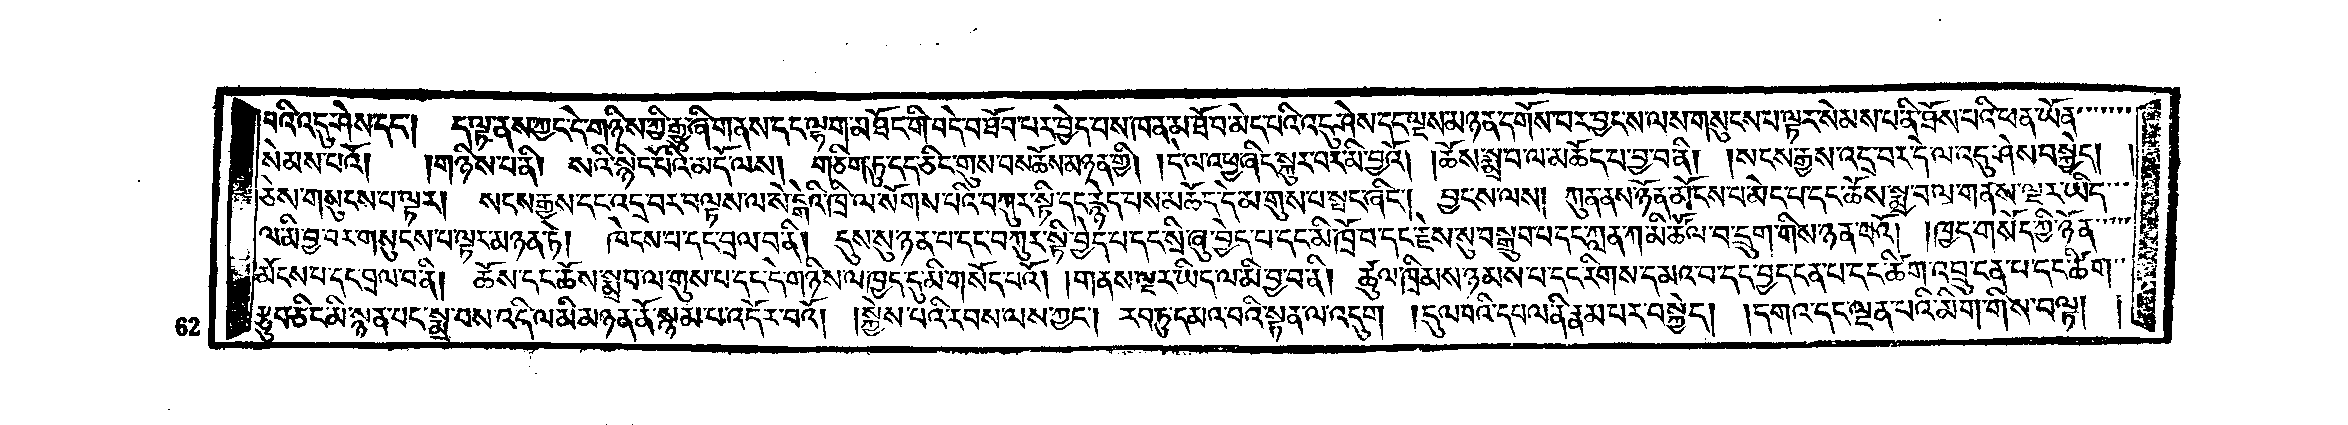བའི་འདུ་ཤེས་དང་། ད་ལྟ་ནས་ཀྱང་དེ་གཉིས་ཀྱི་རྒྱུ་ཞི་གནས་དང་ལྷག་མཐོང་གི་བདེ་བ་ཐོབ་པར་བྱེད་པས་ཁ་ན་མ་ཐོ་བ་མེད་པའི་འདུ་ཤེས་དང་ལྔས་མཉན་དགོས་པར་བྱང་ས་ལས་གསུངས་པ་ལྟར་སེམས་པ་ནི་ཐོས་པའི་ཕན་ཡོན་
སེམས་པའོ། །གཉིས་པ་ནི། སའི་སྙིང་པོའི་མདོ་ལས། གཅིག་ཏུ་དད་ཅིང་གུས་པས་ཆོས་མཉན་གྱི། །དེ་ལ་འཕྱ་ཞིང་སྐུར་བར་མི་བྱའོ། །ཆོས་སྨྲ་བ་ལ་མཆོད་པ་བྱ་བ་ནི། །སངས་རྒྱས་འདྲ་བར་དེ་ལ་འདུ་ཤེས་བསྐྱེད། །
ཅེས་གསུངས་པ་ལྟར། སངས་རྒྱས་དང་འདྲ་བར་བལྟས་ལ་སེངྒེའི་ཁྲི་ལ་སོགས་པའི་བཀུར་སྟི་དང་རྙེད་པས་མཆོད་དེ་མ་གུས་པ་སྤང་ཞིང་། བྱང་ས་ལས། ཀུན་ནས་ཉོན་མོངས་པ་མེད་པ་དང་ཆོས་སྨྲ་བ་ལ་གནས་ལྔར་ཡིད་
ལ་མི་བྱ་བར་གསུངས་པ་ལྟར་མཉན་ཏེ། ཁེངས་པ་དང་བྲལ་བ་ནི། དུས་སུ་ཉན་པ་དང་བཀུར་སྟི་བྱེད་པ་དང་སྲི་ཞུ་བྱེད་པ་དང་མི་ཁྲོ་བ་དང་རྗེས་སུ་བསྒྲུབ་པ་དང་ཀླན་ཀ་མི་ཚོལ་བ་དྲུག་གིས་ཉན་པའོ། །ཁྱད་གསོད་ཀྱི་ཉོན་
མོངས་པ་དང་བྲལ་བ་ནི། ཆོས་དང་ཆོས་སྨྲ་བ་ལ་གུས་པ་དང་དེ་གཉིས་ལ་ཁྱད་དུ་མི་གསོད་པའོ། །གནས་ལྔར་ཡིད་ལ་མི་བྱ་བ་ནི། ཚུལ་ཁྲིམས་ཉམས་པ་དང་རིགས་དམའ་བ་དང་བྱད་ངན་པ་དང་ཚིག་འབྲུ་ངན་པ་དང་ཚིག་
རྩུབ་ཅིང་མི་སྙན་པར་སྨྲ་བས་འདི་ལ་མི་མཉན་ནོ་སྙམ་པ་འདོར་བའོ། །སྐྱེས་པའི་རབས་ལས་ཀྱང་། རབ་ཏུ་དམའ་བའི་སྟན་ལ་འདུག །དུལ་བའི་དཔལ་ནི་རྣམ་པར་བསྐྱེད། །དགའ་དང་ལྡན་པའི་མིག་གིས་བལྟ། །